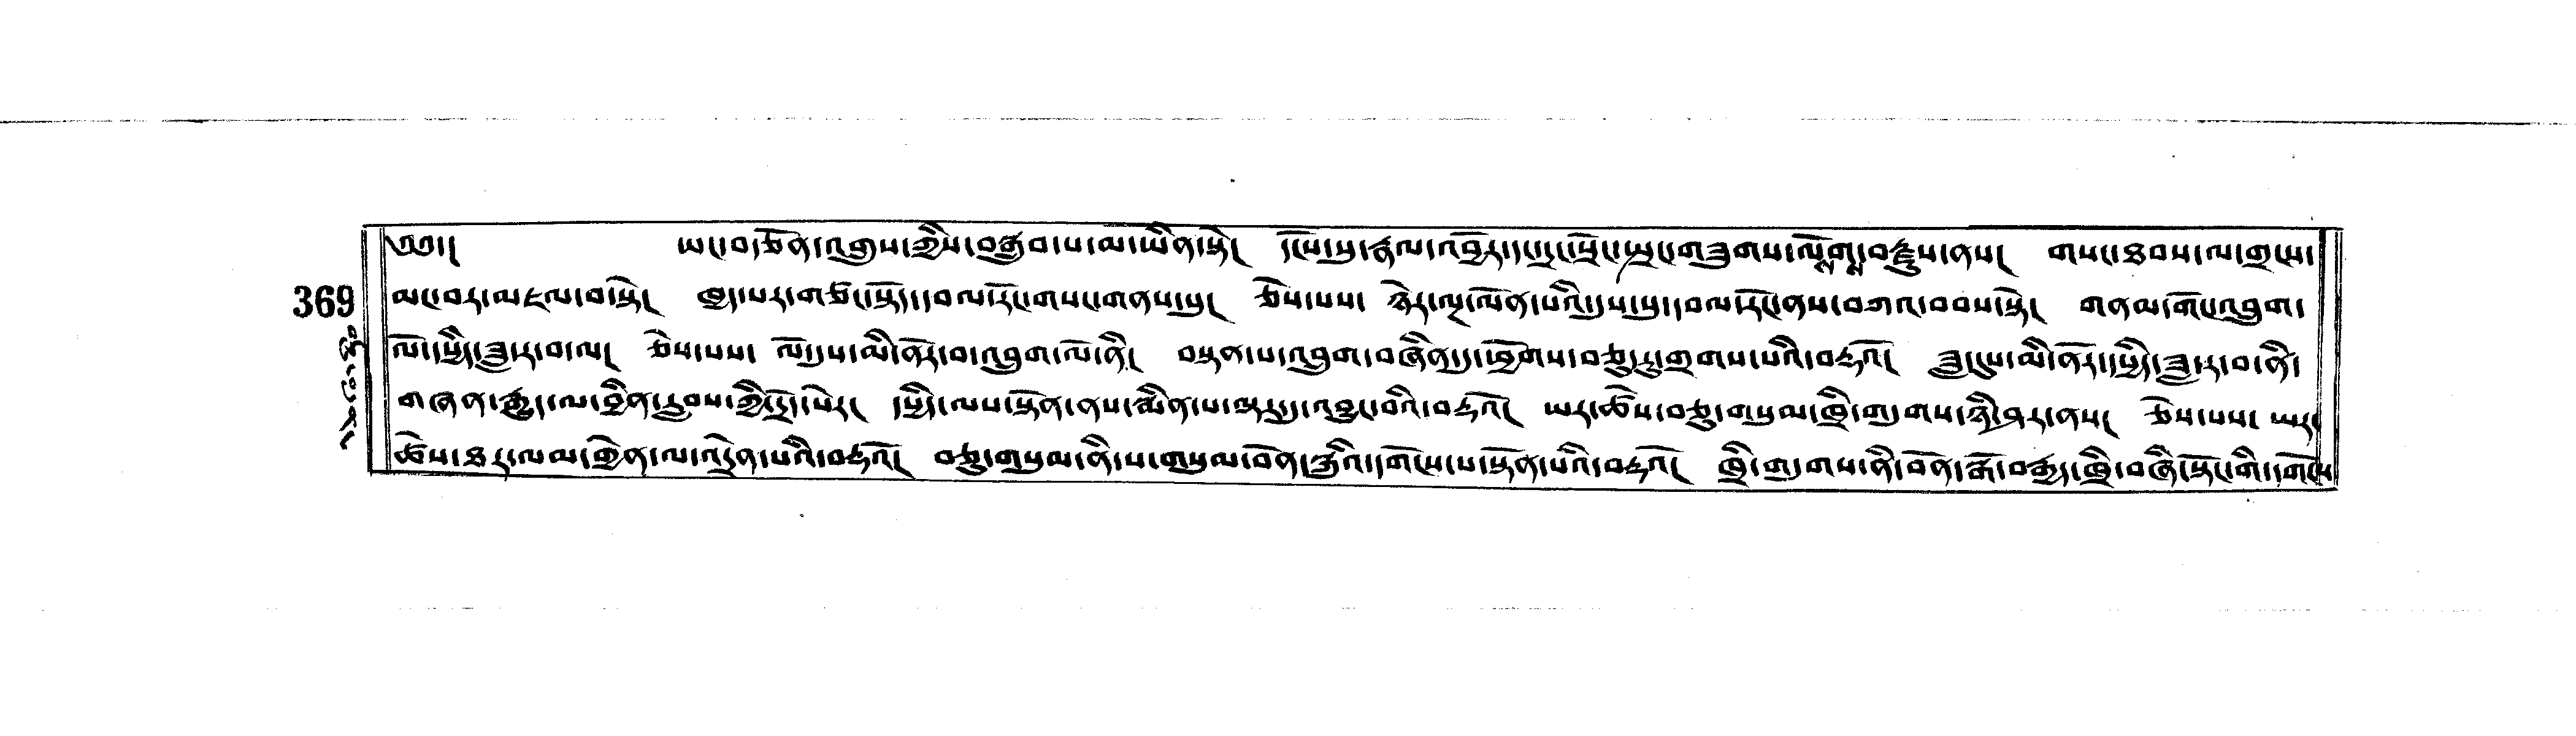ཡང་བརྩོན་འགྲུས་ཀྱིས་བསྒྲུབ་པ་མ་ཡིན་ཏེ། དངོས་སུ་རྣལ་འབྱོར་དང་དྲང་སྲོང་སྤྲང་གཟུགས་ལ་སོགས་བརྫུས་ནས། གསང་ཐབས་ལ་གྲང་
མང་བར་མཇལ་བ་སྟེ། ཁྱད་པར་གཙང་སྟོད་དབལ་རོང་གསང་གནས་སུ། ཅེས་པས། ཉེར་ལྔ་ལོན་པའི་དུས་སུ་དབལ་རོང་ནས་བཀའ་བབས་ཏེ། གནམ་གོང་འབྲུག་
ལོ་དཔྱིད་ཟླ་ར་བ་ལ། ཅེས་པས། ལོ་དུས་མི་ནོར་བ་འབྲུག་ལོ་ནི། བསྟན་པ་འབྲུག་བཞིན་དུ་ཕྱོགས་བཅུར་གྲགས་པའི་བརྡའོ། ཟླ་དུས་མི་ནོར་དཔྱིད་ཟླ་ར་བ་ནི་
གཞན་རྒྱུད་ལ་བྱིན་རླབས་ཀྱི་དྲོད་སེར། དཔྱིད་ལས་སྟོན་ནས་སྨིན་པ་ལྟར་དུ་འབྱུང་བའི་བརྡའོ། ཡར་ཚེས་བཅུ་གསུམ་ཁྲི་གདུགས་ཉི་ཤར་ནས། ཡར་
ཚེས་ཐར་ལམ་གྱེན་ལ་འདྲེན་པའི་བརྡའོ། བཅུ་གསུམ་ནི་ས་གསུམ་བོན་སྐུའི་དགོངས་པ་སྟོན་པའི་བརྡའོ། ཁྲི་གདུགས་ནི་བོན་སྒོ་བརྒྱད་ཁྲི་བཞི་སྟོང་གི་དགོངས་